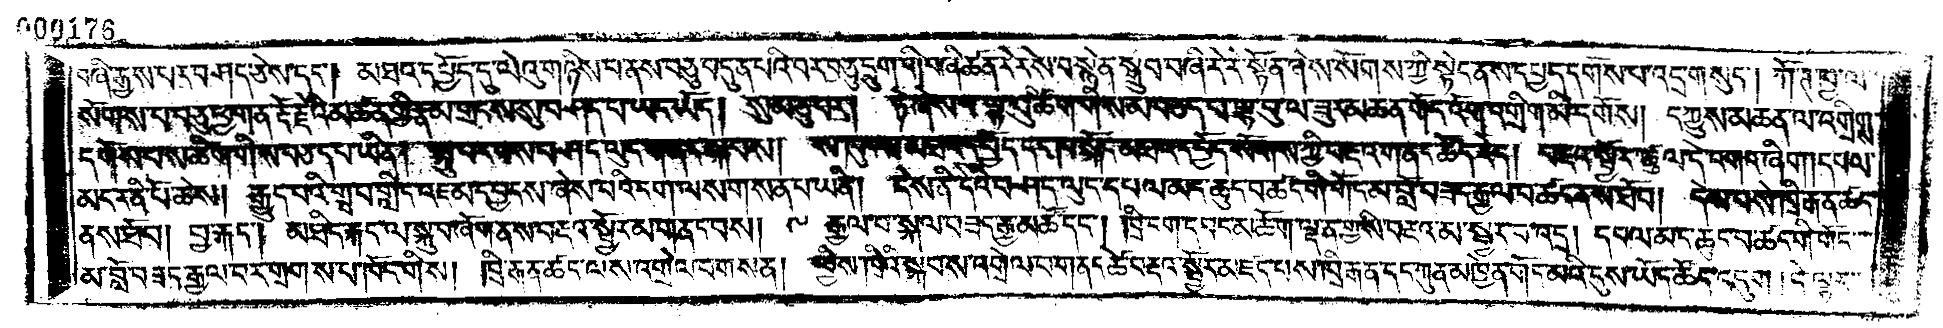བཞི་རྒྱས་པར་བཤད་ཅེས་དང་། མཐའ་དཔྱོད་དུ་ལེའུ་གཉིས་པ་ནས་བཅུ་བདུན་པའི་བར་བཅུ་དྲུག་གི་བཞི་ཚན་རེ་རེས་བསྙེན་སྒྲུབ་བཞི་རེ་རེ་སྟོན་ཞེས་སོགས་ཀྱི་སྟེང་ནས་དཔྱད་དགོས་པ་འདྲ་གསུང་། ཀོ་ཊ་ཁྱ་ལ་
སོགས་པ་བཅུ་ཕྱག་ན་རྡོ་རྗེའི་མཚན་གྱི་རྣམ་གྲངས་སུ་བཤད་པ་ཡང་ཡོད། སུམ་ཅུ་པར། ཏེ་ཞེས་པ་ལྟ་བུ་ཚིག་གིས་མ་བཅད་པ་ལྟ་བུ་ལ་ཟུར་མཆན་གོང་འོག་འགྲིག་མི་དགོས། དཀྱུས་མཆན་ལ་འགྲིགས་
དགོས་པས་ཚིག་གིས་བཅད་པ་ཡིན། སྐུ་བར་བས་བཤད་ལུང་གནང་སྐབས། ས་ཁུངས་མཐའ་དཔྱོད་དང་ཁ་སྐོང་མཐའ་དཔྱོད་སོགས་ཀྱི་བརྡའ་གནང་ཚོད་རེད། བརྡའ་སྦྱོར་ཚུལ་དེ་འགའ་ཞིག །དཔལ་
མང་རིན་པོ་ཆེས། རྒྱུད་པའི་གྲྭ་བ་གླིང་འཇམ་དབྱངས་ཞེས་པའི་ངག་ལས་གསན་པ་ཡིན། དེས་ནི་དེའི་བཤད་ལུང་དཔལ་མང་ཆུང་བ་ཚང་གི་གོང་མ་བློ་བཟང་རྒྱལ་བ་ཚང་ནས་ཐོབ། དེས་བསེ་ཁྲི་རྒན་ཚང་
ནས་ཐོབ། བྱ་རྐང་། མཐིང་རྐང་ལ་སྐུ་བ་ཞོག་ནས་བརྡའ་སྦྱོར་མ་གནང་བས། ༧་རྒྱལ་བ་སྐལ་བཟང་རྒྱ་མཚོ་དང་། ཁྲི་ངག་དབང་མཆོག་ལྡན་གྱིས་བརྡའ་མ་སྦྱར་བ་འདྲ། དཔལ་མང་ཆུང་བ་ཚང་གི་གོང་
མ་བློ་བཟང་རྒྱལ་བར་གྲགས་པ་ཁོང་གིས། ཁྲི་རྒན་ཚང་ལས་འགྲེལ་བ་གསན། ཕྱིས་ཁྲིའི་སྐབས་འགྲེལ་བ་གནང་ཚེ་བརྡའ་སྦྱོར་མཛད་པས་ཁྲི་རྒན་དང་ཀུན་མཁྱེན་གོང་མའི་དུས་ཡོད་ཚོད་འདུག །དེ་ལྟར་